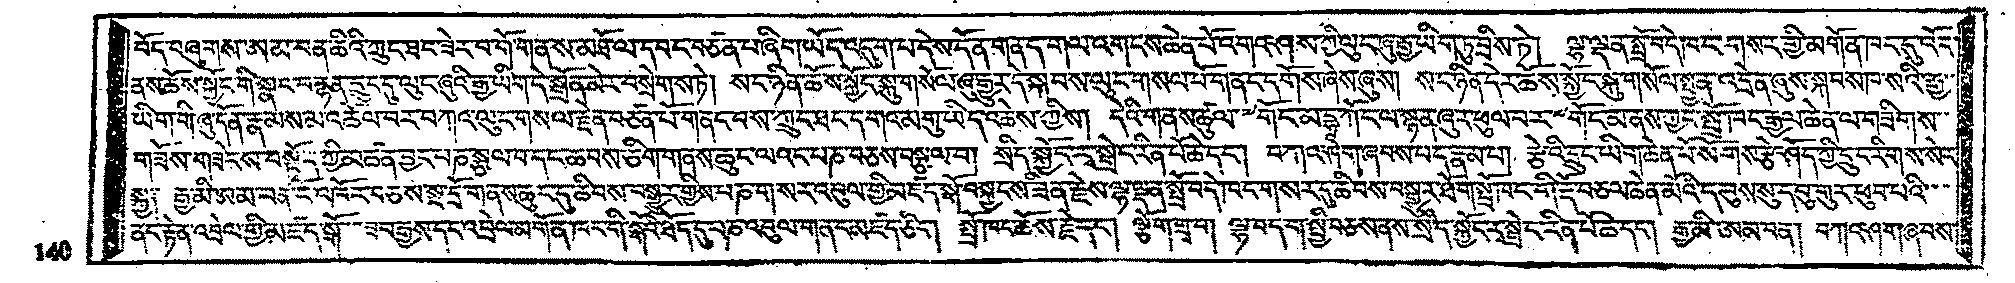བོད་བཞུགས་ཨམ་བན་ཅིའི་ཀྲུང་ཐང་ཟེར་བ་གོ་གནས་མཐོ་ལ་དབང་བཙན་པ་ཞིག་ཡོད་འདུག་པ་དེས་དོན་གནད་གལ་འགངས་ཆེན་པོ་འགའ་ཤས་ཀྱི་ལུང་ཞུ་རྒྱ་ཡིག་ཏུ་བྲིས་ཏེ། ལྷ་ལྡན་སྤྲོ་བདེ་ཁང་གསར་གྱི་མགོན་ཁང་དུ་འོང་
ནས་ཆོས་སྐྱོང་གི་སྣང་བརྙན་དྲུང་དུ་ལུང་ཞུའི་རྒྱ་ཡིག་དེ་སྒྲོན་མེར་བསྲེགས་ཏེ། སང་ཉིན་ཆོས་སྐྱོང་སྐུ་གསོལ་ཞུ་རྒྱུར་དེ་སྐབས་ལུང་གསལ་པོ་གནང་དགོས་ཞེས་ཞུས། སང་ཉིན་དེར་ཆོས་སྐྱོང་སྐུ་གསོལ་སྤྱན་འདྲེན་ཞུས་སྐབས་ཁ་སའི་རྒྱ་
ཡིག་གི་ཞུ་དོན་རྣམས་མ་འཚོལ་བར་བཀའ་ལུང་གསལ་རྗེན་བཙན་པོ་གནང་བས་ཀྲུང་ཐང་དགའ་མགུ་ཡིད་འཆེས་ཀྱིས། དེའི་གནས་ཚུལ་༈ གོང་མ་དྷཱ་ཀོང་ལ་སྙན་ཞུར་ཕུལ་བར་༈ གོང་མ་ནས་ཀྱང་སྤྲོ་ཁང་རྒྱལ་ཆེན་ལ་གཟིགས་
གཟོས་གཟེངས་བསྟོད་ཀྱི་མཚན་བྱང་པཎ་སྩལ་བ་དང་ཆབས་ཅིག་གནས་ཆུང་ལའང་པཎ་བཅས་བསྩལ་བ། སྲིད་སྐྱོང་རྭ་སྒྲེང་རིན་པོ་ཆེ་དང་། བཀའ་ཤིག་ཞབས་པད་རྣམ་པ། རྩེའི་དྲུང་ཡིག་ཆེན་པོ་སོགས་རྩེ་ཤོད་ཀྱི་དྲུང་རིགས་སེར་
སྐྱ༑ རྒྱ་མི་ཨམ་བན་ངོ་འཁོར་བཅས་སྔ་དྲོ་གནས་ཆུང་དུ་ཆིབས་བསྒྱུར་གྱིས་པཎ་གསར་འབུལ་གྱི་མཛད་སྒོ་བསྐྱངས་ཟིན་རྗེས་ལྷ་ལྡན་སྤྲོ་བདེ་ཁང་གསར་དུ་ཆིབས་བསྒྱུར་ཐོག་སྤྲོ་ཁང་གི་རྡོ་བཅལ་ཆེན་མོའི་དབུས་སུ་དབུ་གུར་ཕུབ་པའི་
ནང་རྟེན་འབྲེལ་གྱི་མཛད་སྒོ་ཟབ་རྒྱས་དང་འབྲེལ་མགོན་ཁང་གི་སྒོའི་ཐོད་དུ་པཎ་འབུལ་གནང་མཛད་ཅིང་། སྤྲོ་ཁང་ཆོས་རྗེ་དང་། ལྕོག་གྲྭ་བ། ལྷ་བདག་སྤྱི་བཅས་ནས་སྲིད་སྐྱོང་རྭ་སྒྲེང་རིན་པོ་ཆེ་དང་། རྒྱ་མི་ཨམ་བན། བཀའ་ཤག་ཞབས་